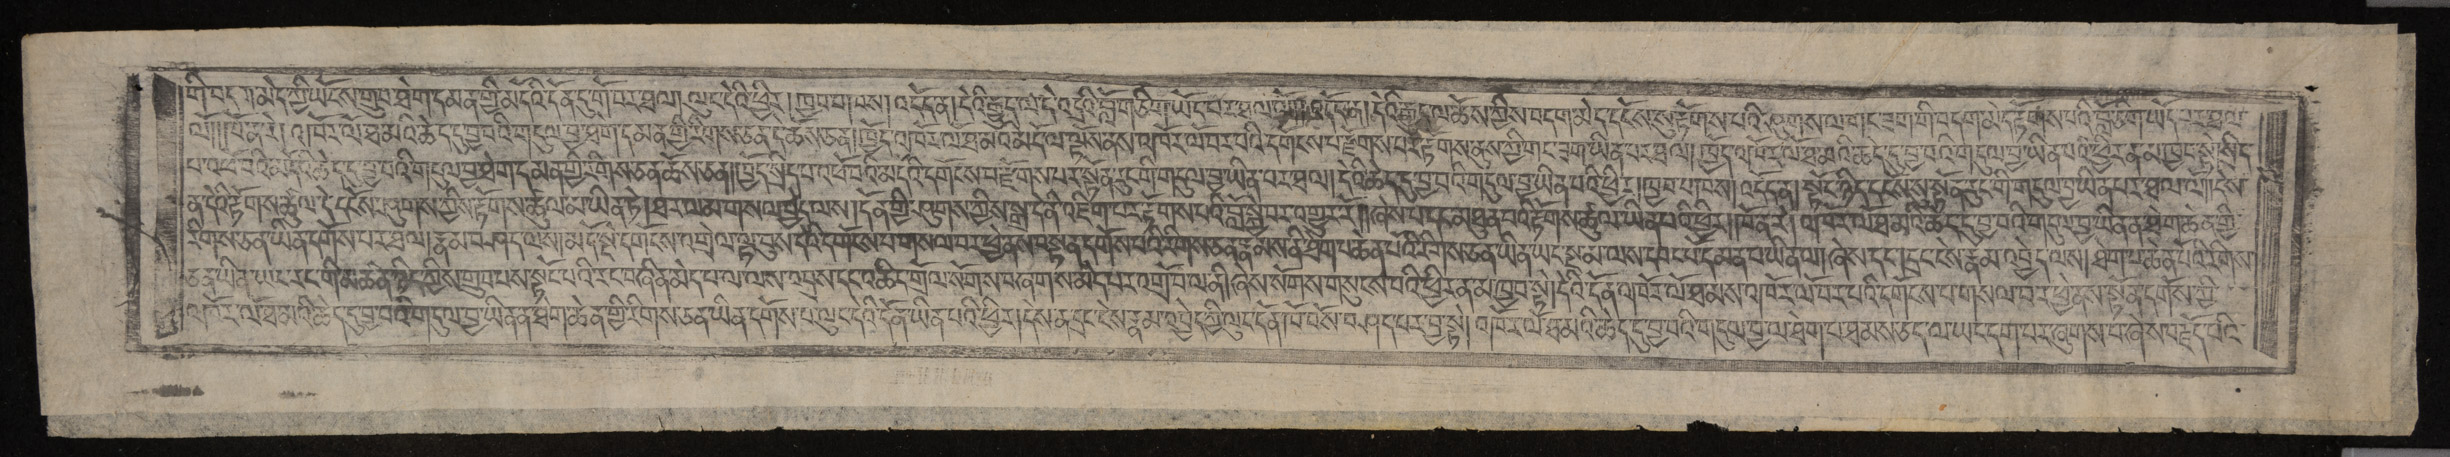གི་བདག་མེད་ཀྱི་ཡོངས་གྲུབ་ཐེག་དམན་གྱི་མདོའི་དོན་དུ་གོ་བར་ཐལ། ལུང་དེའི་ཕྱིར། ཁྱབ་པ་ཁས། འདོད་ན། དེའི་རྒྱུད་ལ་དེ་འདྲའི་བློ་གཅིག་ཡོད་པར་ཐལ་ལོ། །འདོད་ན། དེའི་རྒྱུད་ལ་ཆོས་ཀྱིས་བདག་མེད་དངོས་སུ་རྟོགས་པའི་ཤུགས་ལ་གང་ཟག་གི་བདག་མེད་རྟོགས་པའི་བློ་ཅིག་ཡོད་པར་ཐལ་
ལོ། །ཁོ་ན་རེ། འཁོར་ལོ་ཐ་མའི་ཆེད་དུ་བྱ་བའི་གདུལ་བྱ་ཐེག་དམན་གྱི་རིགས་ཅན་དེ་ཆོས་ཅན། ཁྱོད་འཁོར་ལོ་ཐ་མའི་མདོ་ལ་ལྟོས་ནས་འཁོར་ལོ་བར་པའི་དགོངས་པ་རྫོགས་པར་རྟོགས་ནུས་ཀྱི་གང་ཟག་ཡིན་པར་ཐལ། ཁྱོད་འཁོར་ལོ་ཐ་མའི་ཆེད་དུ་བྱ་བའི་གདུལ་བྱ་ཡིན་པའི་ཕྱིར་ན་མ་ཁྱབ་སྟེ། སྲིད་
པ་འཕོ་བའི་མདོའི་ཆེད་དུ་བྱ་བའི་གདུལ་བྱ་ཐེག་དམན་གྱི་རིགས་ཅན་ཆོས་ཅན། ཁྱོད་སྲིད་པ་འཕོ་བའི་མདོའི་དགོངས་པ་རྫོགས་པར་སྟོན་རུང་གི་གདུལ་བྱ་ཡིན་པར་ཐལ། དེའི་ཆེད་དུ་བྱ་བའི་གདུལ་བྱ་ཡིན་པའི་ཕྱིར། ཁྱབ་པ་ཁས། འདོད་ན། སྟོང་ཉིད་དངོས་སུ་སྟོན་རུང་གི་གདུལ་བྱ་ཡིན་པར་ཐལ་ལོ། །དེས་
ན་དེའི་རྟོགས་ཚུལ་དེ་དངོས་ཤུགས་ཀྱིས་རྟོགས་ཚུལ་མ་ཡིན་ཏེ། ཐར་ལམ་གསལ་བྱེད་ལས། དོན་གྱི་ཤུགས་ཀྱིས་སྒྲ་དེ་ནི་འཇིག་པར་རྟོགས་པའི་བློ་སྐྱེ་བར་འགྱུར་རོ། །ཞེས་པ་དང་མཐུན་པའི་རྟོགས་ཚུལ་ཡིན་པའི་ཕྱིར། ཁོ་ན་རེ། འཁོར་ལོ་ཐ་མའི་ཆེད་དུ་བྱ་བའི་གདུལ་བྱ་ཡིན་ན་ཐེག་ཆེན་གྱི་
རིགས་ཅན་ཡིན་དགོས་པར་ཐལ། རྣམ་བཤད་ལས། མདོ་སྡེ་དགོངས་འགྲེལ་ལྟ་བུས་དེའི་དགོངས་པ་གསལ་བར་ཕྱེ་ནས་བསྟན་དགོས་པའི་རིགས་ཅན་རྣམས་ནི་ཐེག་པ་ཆེན་པོའི་རིགས་ཅན་ཡིན་ཡང་སྔ་མ་ལས་དབང་པོ་དམན་པ་ཡིན་ལ། ཞེས་དང་། དྲང་ངེས་རྣམ་འབྱེད་ལས། ཐེག་པ་ཆེན་པོའི་རིགས་
ཅན་ཡིན་ཡང་རང་གི་མཚན་ཉིད་ཀྱིས་གྲུབ་པས་སྟོང་པའི་རང་བཞིན་མེད་པ་ལ་ལས་འབྲས་དང་འཆིང་གྲོལ་སོགས་བཞགས་མེད་པར་འགྲོ་བ་ལ་ནི། ཞེས་སོགས་གསུངས་པའི་ཕྱིར་ན་མ་ཁྱབ་སྟེ། དེའི་དོན་འཁོར་ལོ་ཐ་མས་འཁོར་ལོ་བར་པའི་དགོངས་པ་གསལ་བར་ཕྱེ་ནས་སྟོན་དགོས་ཀྱི་
འཁོར་ལོ་ཐ་མའི་ཆེད་དུ་བྱ་བའི་གདུལ་བྱ་ཡིན་ན་ཐེག་ཆེན་གྱི་རིགས་ཅན་ཡིན་དགོས་པ་ལུང་དེའི་དོན་ཡིན་པའི་ཕྱིར། དེས་ན་དྲང་ངེས་རྣམ་འབྱེད་ཀྱི་ལུང་དོན་ཁོ་བོས་བཤད་པར་བྱ་སྟེ། འཁོར་ལོ་ཐ་མའི་ཆེད་དུ་བྱ་བའི་གདུལ་བྱ་ལ་ཐག་པ་ཐམས་ཅད་ལ་ཡང་དག་པར་ཞུགས་པ་ཞེས་བརྗོད་པའི་